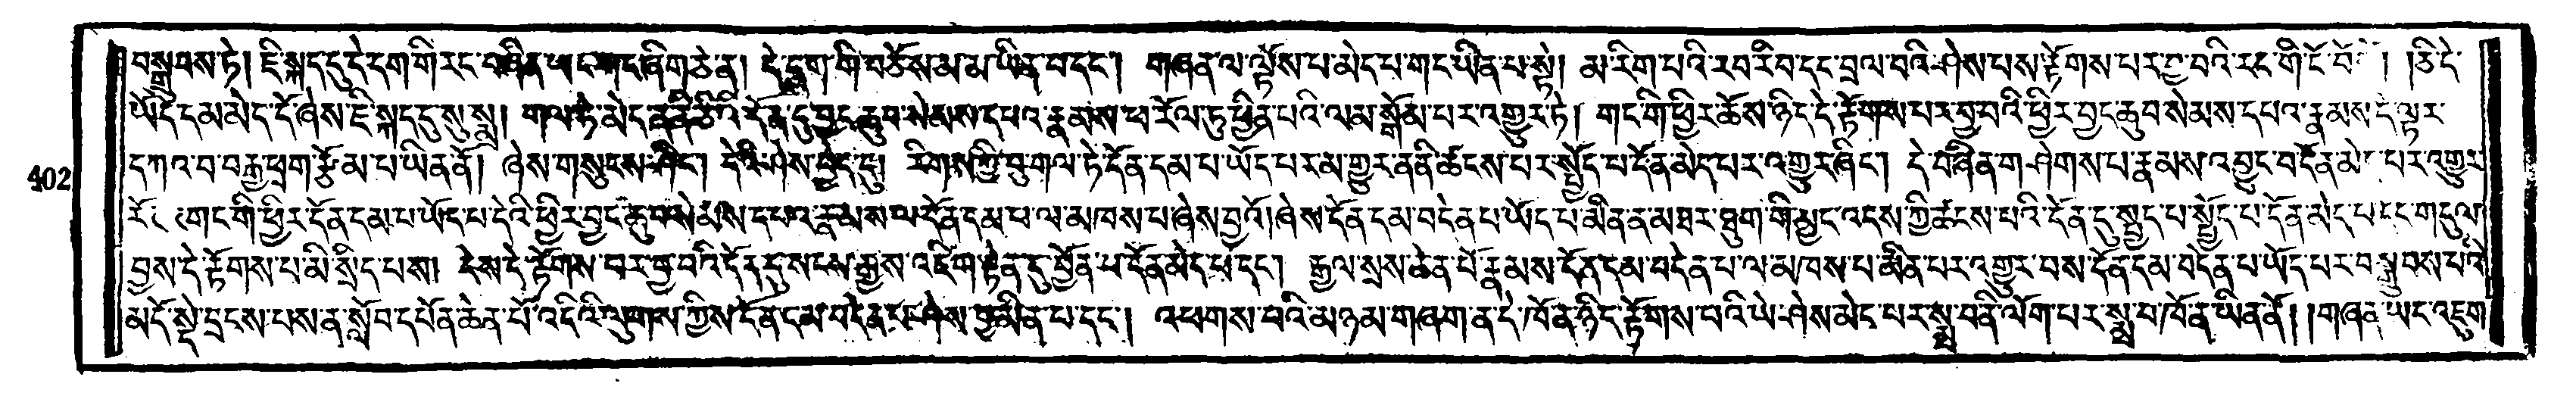བསྒྲུབས་ཏེ། ཇི་སྐད་དུ་དེ་དག་གི་རང་བཞིན་ཡང་གང་ཞིག་ཅེ་ན། དེ་དག་གི་བཅོས་མ་མ་ཡིན་པ་དང་། གཞན་ལ་ལྟོས་པ་མེད་པ་གང་ཡིན་པ་སྟེ། མ་རིག་པའི་རབ་རིབ་དང་བྲལ་བའི་ཤེས་པས་རྟོགས་པར་བྱ་བའི་རང་གི་ངོ་བོའོ། །ཅི་དེ་
ཡོད་དམ་མེད་དོ་ཞེས་ཇི་སྐད་དུ་སུ་སྨྲ། གལ་ཏེ་མེད་ན་ནི་ཅིའི་དོན་དུ་བྱང་ཆུབ་སེམས་དཔའ་རྣམས་ཕ་རོལ་ཏུ་ཕྱིན་པའི་ལམ་སྒོམ་པར་འགྱུར་ཏེ། གང་གི་ཕྱིར་ཆོས་ཉིད་དེ་རྟོགས་པར་བྱ་བའི་ཕྱིར་བྱང་ཆུབ་སེམས་དཔའ་རྣམས་དེ་ལྟར་
དཀའ་བ་བརྒྱ་ཕྲག་རྩོམ་པ་ཡིན་ནོ། ཞེས་གསུངས་ཤིང་། དེའི་ཤེས་བྱེད་དུ། རིགས་ཀྱི་བུ་གལ་ཏེ་དོན་དམ་པ་ཡོད་པར་མ་གྱུར་ན་ནི་ཚངས་པར་སྤྱོད་པ་དོན་མེད་པར་འགྱུར་ཞིང་། དེ་བཞིན་གཤེགས་པ་རྣམས་འབྱུང་བ་དོན་མེད་པར་འགྱུར་
རོ༑ ༑གང་གི་ཕྱིར་དོན་དམ་པ་ཡོད་པ་དེའི་ཕྱིར་བྱང་ཆུབ་སེམས་དཔའ་རྣམས་ལ་དོན་དམ་པ་ལ་མཁས་པ་ཞེས་བྱའོ། ཞེས་དོན་དམ་བདེན་པ་ཡོད་པ་མིན་ན་མཐར་ཐུག་གི་མྱང་འདས་ཀྱི་ཚངས་པའི་དོན་དུ་སྤྱད་པ་སྦྱོད་པ་དོན་མེད་པ་དང་གདུལ་
བྱས་དེ་རྟོགས་པ་མི་སྲིད་པས། དེས་དེ་རྟོགས་བར་བྱ་བའི་དོར་དུ་སངས་རྒྱས་འཇིག་རྟེན་དུ་བྱོན་པ་དོན་མེད་པ་དང་། རྒྱལ་སྲས་ཆེན་པོ་རྣམས་དོན་དམ་བདེན་པ་ལ་མཁས་པ་མིན་པར་འགྱུར་བས་དོན་དམ་བདེན་པ་ཡོད་པར་བསྒྲུབས་པའི་
མདོ་སྡེ་དྲངས་པས་ན་སློབ་དཔོན་ཆེན་པོ་འདིའི་ལུགས་ཀྱིས་དོན་དམ་བདེན་པ་ཤེས་བྱ་མིན་པ་དང་། འཕགས་པའི་མཉམ་གཞག་ན་དེ་ཁོ་ན་ཉིད་རྟོགས་པའི་ཡེ་ཤེས་མིང་པར་སྨྲ་བ་ནི་ལོག་པར་སྨྲ་བ་ཁོ་ན་ཡིན་ནོ། །གཞན་ཡང་འཇུག་